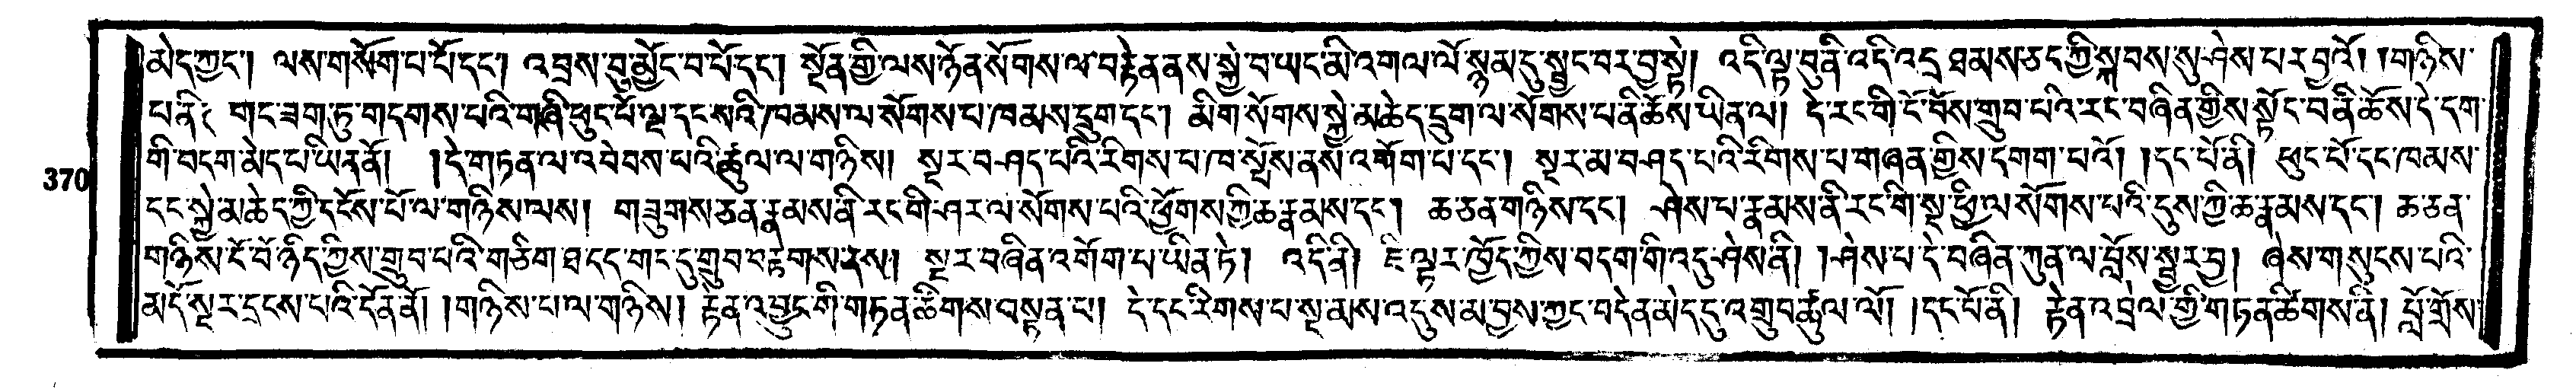མེད་ཀྱང་། ལས་གསོག་པ་པོ་དང་། འབྲས་བུ་མྱོང་བ་པོ་དང་། སྔོན་གྱི་ལས་ཉོན་སོགས་ལ་བརྟེན་ནས་སྐྱེ་བ་ཡང་མི་འགལ་ལོ་སྙམ་དུ་སྦྱང་བར་བྱ་སྟེ། འདི་ལྟ་བུ་ནི་འདི་འདྲ་ཐམས་ཅད་ཀྱི་སྐབས་སུ་ཤེས་པར་བྱའོ། །གཉིས་
པ་ནི༑ གང་ཟག་ཏུ་གདགས་པའི་གཞི་ཕུང་པོ་ལྔ་དང་སའི་ཁམས་ལ་སོགས་པ་ཁམས་དྲུག་དང་། མིག་སོགས་སྐྱེ་མཆེད་དྲུག་ལ་སོགས་པ་ནི་ཆོས་ཡིན་ལ། དེ་རང་གི་ངོ་བོས་གྲུབ་པའི་རང་བཞིན་གྱིས་སྟོང་བ་ནི་ཆོས་དེ་དག་
གི་བདག་མེད་པ་ཡིན་ནོ། །དེ་གཏན་ལ་འབེབས་པའི་ཚུལ་ལ་གཉིས། སྔར་བཤད་པའི་རིགས་པ་ཁ་སྤོས་ནས་འགོག་པ་དང་། སྔར་མ་བཤད་པའི་རིགས་པ་གཞན་གྱིས་དགག་པའོ། །དང་པོ་ནི། ཕུང་པོ་དང་ཁམས་
དང་སྐྱེ་མཆེད་ཀྱི་དངོས་པོ་ལ་གཉིས་ལས། གཟུགས་ཅན་རྣམས་ནི་རང་གི་ཤར་ལ་སོགས་པའི་ཕྱོགས་ཀྱི་ཆ་རྣམས་དང་། ཆ་ཅན་གཉིས་དང་། ཤེས་པ་རྣམས་ནི་རང་གི་སྔ་ཕྱི་ལ་སོགས་པའི་དུས་ཀྱི་ཆ་རྣམས་དང་། ཆ་ཅན་
གཉིས་ངོ་བོ་ཉིད་ཀྱིས་གྲུབ་པའི་གཅིག་ཐ་དད་གང་དུ་གྲུབ་བརྟགས་ནས། སྔར་བཞིན་འགོག་པ་ཡིན་ཏེ། འདི་ནི། ཇི་ལྟར་ཁྱོད་ཀྱིས་བདག་གི་འདུ་ཤེས་ནི། །ཤེས་པ་དེ་བཞིན་ཀུན་ལ་བློས་སྦྱར་བྱ། ཞེས་གསུངས་པའི་
མདོ་སྔར་དྲངས་པའི་དོན་ནོ། །གཉིས་པ་ལ་གཉིས། རྟན་འབྱུང་གི་གཏན་ཚིགས་བསྟན་པ་། དེ་དང་རིགས་པ་སྔ་མས་འདུས་མ་བྱས་ཀྱང་བདེན་མེད་དུ་འགྲུབ་ཚུལ་ལོ། །དང་པོ་ནི། རྟེན་འབྲེལ་གྱི་གཏན་ཚིགས་ནི། བློ་གྲོས་